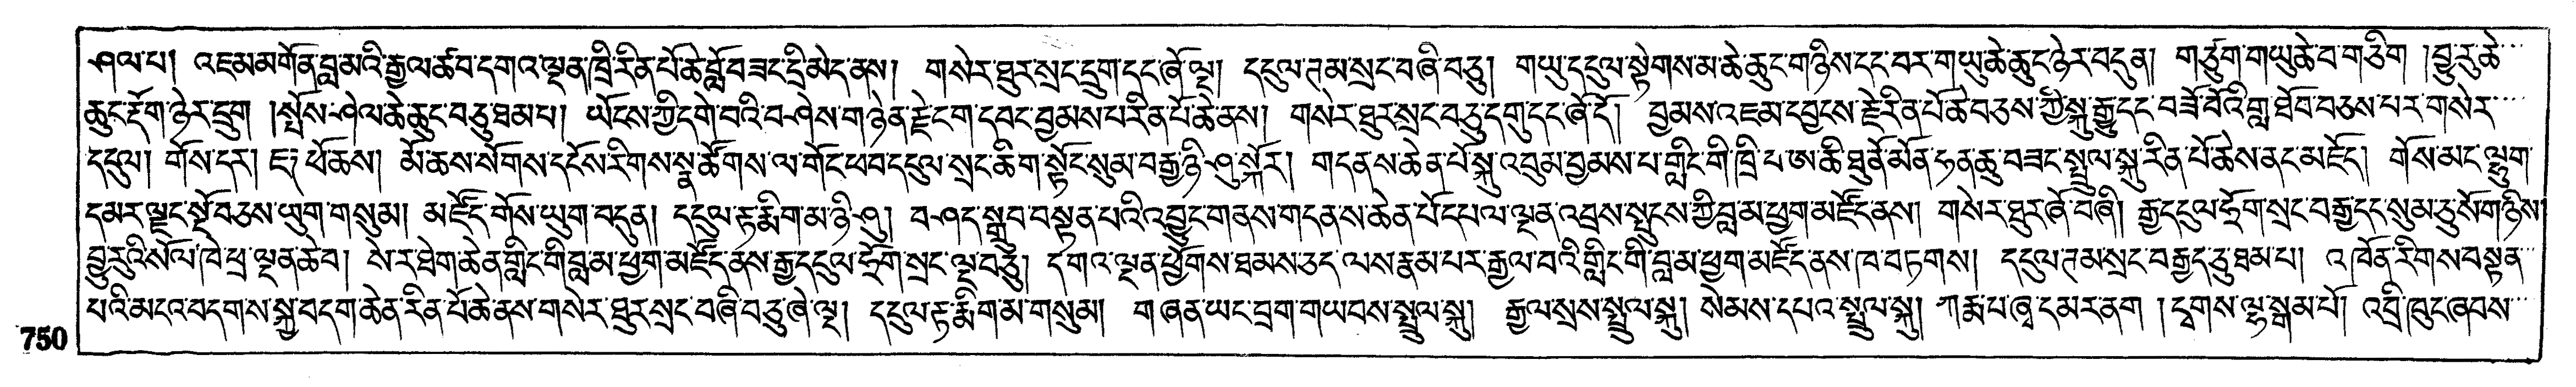ཤལ་པ་འཇམ་མགོན་བླ་མའི་རྒྱལ་ཚབ་དགའ་ལྡན་ཁྲི་རིན་པོ་ཆེ་བློ་བཟང་དྲི་མེད་ནས། གསེར་ཐུར་སྲང་དྲུག་དང་ཞོ་ལྔ། དངུལ་ཊམ་སྲང་བཞི་བཅུ། གཡུ་དངུལ་སྟེགས་མཆེ་ཆུང་གཉིས་དང་བར་གཡུ་ཆེ་ཆུང་ཉེར་བདུན། གཙུག་གཡུ་ཆེ་བ་གཅིག །བྱུ་རུ་ཆེ་
ཆུང་རྡག་ཉེར་དྲུག །སྤོས་ཤེལ་ཆེ་ཆུང་བཅུ་ཐམ་པ། ཡོངས་ཀྱི་དགེ་བའི་བཤས་གཉེན་རྗེ་ངག་དབང་བྱམས་པ་རིན་པོ་ཆེ་ནས། གསེར་ཐུར་སྲང་བཅུ་དགུ་དང་ཞོ་དོ། བྱམས་འཇམ་དབྱངས་རྗེ་རིན་པོ་ཆེ་བཅས་ཀྱི་སྐུ་རྒྱུ་དང་བཟོ་བོའི་གླ་ཐོབ་བཅས་པར་གསེར་
དངུལ། གོས་དར། ཇ༑ ཕོ་ཆས། མོ་ཆས་སོགས་དངོས་རིགས་སྣ་ཚོགས་ལ་གོང་ཕབ་དངུལ་སྲང་ཆིག་སྟོང་སུམ་བརྒྱ་ཉི་ཤུ་སྐོར། གདན་ས་ཆེན་པོ་སྐུ་འབུམ་བྱམས་པ་གླིང་གི་ཁྲི་བ་ཨ་ཆི་ཐུ་ནོ་མོན་ཧན་ཆུ་བཟང་སྤྲུལ་སྐུ་རིན་པོ་ཆེས་ནང་མཛོད། གོ་ས་མང་ལྷུག་
དམར་ལྗང་སྡོ་བཅས་ཡུག་གསུམ། མཛོད་གོས་ཡུག་བདུན། དངུལ་རྟ་རྨིག་མ་ཉི་ཤུ། བཤད་སྒྲུབ་བསྟན་པའི་འབྱུང་གནས་གདན་ས་ཆེན་པོ་དཔལ་ལྡན་འབྲས་སྤུངས་ཀྱི་བླ་མ་ཕྱག་མཛོད་ནས། གསེར་ཐུར་ཞོ་བཞི། རྒྱ་དངུལ་ཧྲོག་སྲང་བརྒྱ་དང་སུམ་ཅུ་སོ་གཉིས་
བྱུ་རུའི་སོལ་ཁེ་ཕྲ་ལྡན་ཆེ་བ། སེ་ར་ཐེག་ཆེན་གླིང་གི་བླ་མ་ཕྱག་མཛོད་ནས་རྒྱ་དངུལ་ཧྲོག་སྲང་ལྔ་བཅུ། དགའ་ལྡན་ཕྱོགས་ཐམས་ཅད་ལས་རྣམ་པར་རྒྱལ་བའི་གླིང་གི་བླ་མ་ཕྱག་མཛོད་ནས་ཁ་བཏགས། དངུལ་ཊམ་སྲང་བརྒྱད་ཅུ་ཐམ་པ། འཁོན་རིགས་བསྟན་
པའི་མངའ་བདག་ས་སྐྱ་བདག་ཆེན་རིན་པོ་ཆེ་ནས་གསེར་ཐུར་སྲང་བཞི་བཅུ་ཞེ་ལྔ། དངུལ་རྟ་རྨིག་མ་གསུམ། གཞན་ཡང་བྲག་གཡབས་སྤྲུལ་སྐུ། རྒྱལ་སྲས་སྤྲུལ་སྐུ། སེམས་དཔའ་སྤྲུལ་སྐུ། ཀརྨ་པ་ཞྭ་དམར་ནག །དྭགས་ལྷ་སྒམ་པོ། འདི་ཁུང་ཞབས་